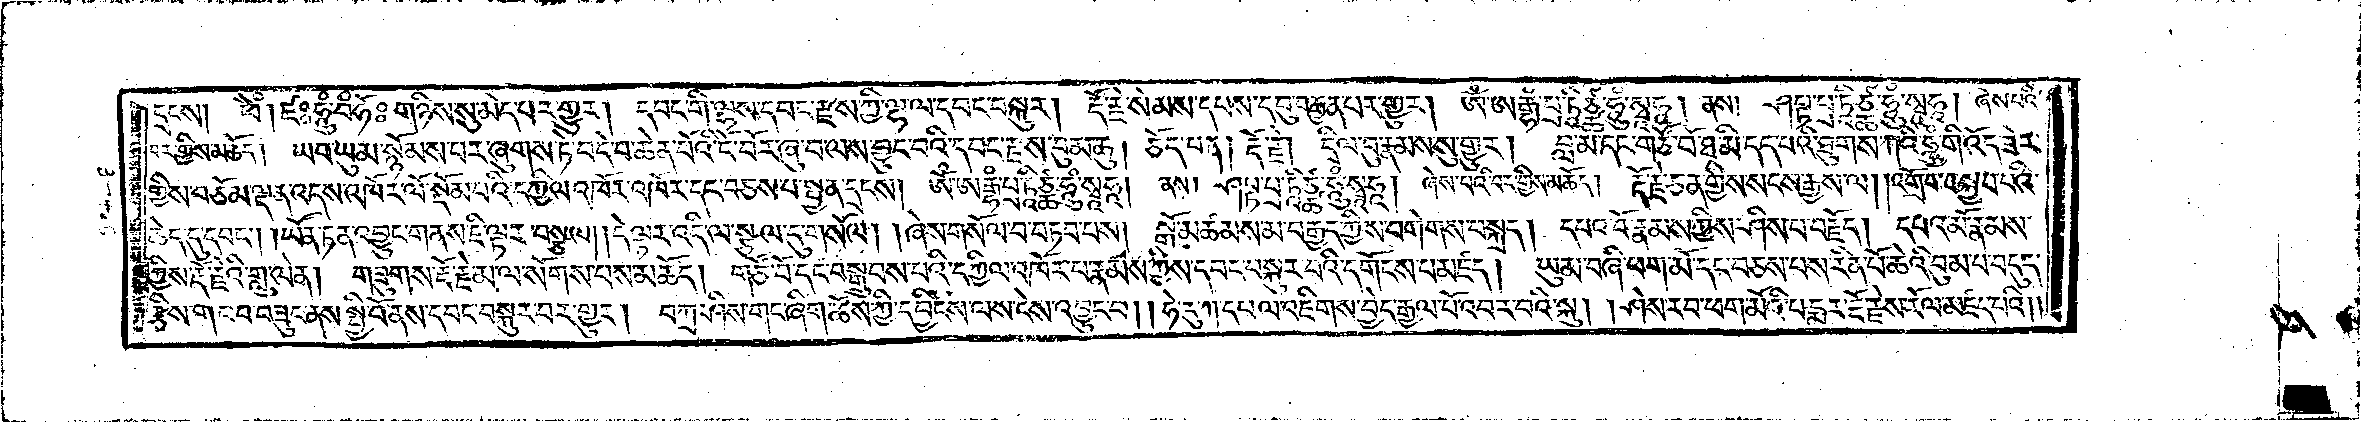དྲངས། ཕཻཾ། ཛཿཧཱུཾ་བཾ་ཧོཿ གཉིས་སུ་མེད་པར་གྱུར། དབང་གི་ལྷས་དབང་རྫས་ཀྱི་ལྷ་ལ་དབང་བསྐུར། རྡོ་རྗེ་སེམས་དཔས་དབུ་བརྒྱན་པར་གྱུར། ཨོཾ་ཨརྒྷཾ་པྲ་ཏཱིཙྪ་ཧཱུཾ་སྭཱཧཱ། ནས།  ཤཔྟ་པྲ་ཏཱིཙྪ་ཧཱུཾ་སྭཱཧཱ། ཞེས་པའི་
བར་གྱིས་མཆོད། ཡབ་ཡུམ་སྙོམས་པར་ཞུགས་ཏེ་བདེ་བ་ཆེན་པོའི་ངོ་བོར་ཞུ་བ་ལས་བྱུང་བའི་དབང་རྫས་བུམ་ཆུ། ཅོད་པན། རྡོ་རྗེ། དྲིལ་བུ་རྣམས་སུ་གྱུར། བླ་མ་དང་གཙོ་བོ་ཐ་མི་དད་པའི་ཐུགས་ཀའི་ཧཱུཾ་གི་འོད་ཟེར་
གྱིས་བཅོམ་ལྡན་འདས་འཁོར་ལོ་སྡོམ་པའི་དཀྱིལ་འཁོར་འཁོར་དང་བཅས་པ་སྤྱན་དྲངས། ཨོཾ་ཨརྒྷཾ་པྲ་ཏཱིཙྪ་ཧཱུཾ་སྭཱཧཱ། ནས།  ཤཔྟ་པྲ་ཏཱིཙྪ་ཧཱུཾ་སྭཱཧཱ། ཞེས་པའི་བར་གྱིས་མཆོད།  རྡོ་རྗ་ཅན་གྱིས་སངས་རྒྱས་ལ། །འགྲོ་བ་བསྐྱབ་པའི་
ཆེད་དུ་དབང་། །ཡོན་ཏན་འབྱུང་གནས་ཇི་ལྟར་བསྩལ། །དེ་ལྟར་འདི་ལ་སྩལ་དུ་གསོལ། །ཞེས་གསོལ་བ་བཏབ་པས། སྒོ་མཚམས་མ་བརྒྱད་ཀྱིས་བགེགས་བསྐྲད། དཔའ་བོ་རྣམས་ཀྱིས་ཤིས་པ་བརྗོད། དཔའ་མོ་རྣམས་
ཀྱིས་རྡོ་རྗེའི་གླུ་ལེན། གཟུགས་རྡོ་རྗེ་མ་ལ་སོགས་པས་མཆོད། གཙོ་བོ་དང་བསྒྲུབས་པའི་དཀྱིལ་འཁོར་པ་རྣམས་ཀྱིས་དབང་བསྐུར་བའི་དགོངས་པ་མཛད། ཡུམ་བཞི་ཕག་མོ་དང་བཅས་པས་རིན་པོ་ཆེའི་བུམ་པ་བདུད་
རྩིས་གང་བ་བཟུང་ནས་སྤྱི་བོ་ནས་དབང་བསྐུར་བར་གྱུར། བཀྲ་ཤིས་གང་ཞིག་ཆོས་ཀྱི་དབྱིངས་ལས་ངེས་འབྱུང་བ། །ཧེ་རུ་ཀ་དཔལ་འཇིགས་བྱེད་རྒྱལ་པོ་འབར་བའི་སྐུ། །ཤེས་རབ་ཕག་མོའི་པདམར་རྡོ་རྗེས་རོལ་མཛད་པའི། །